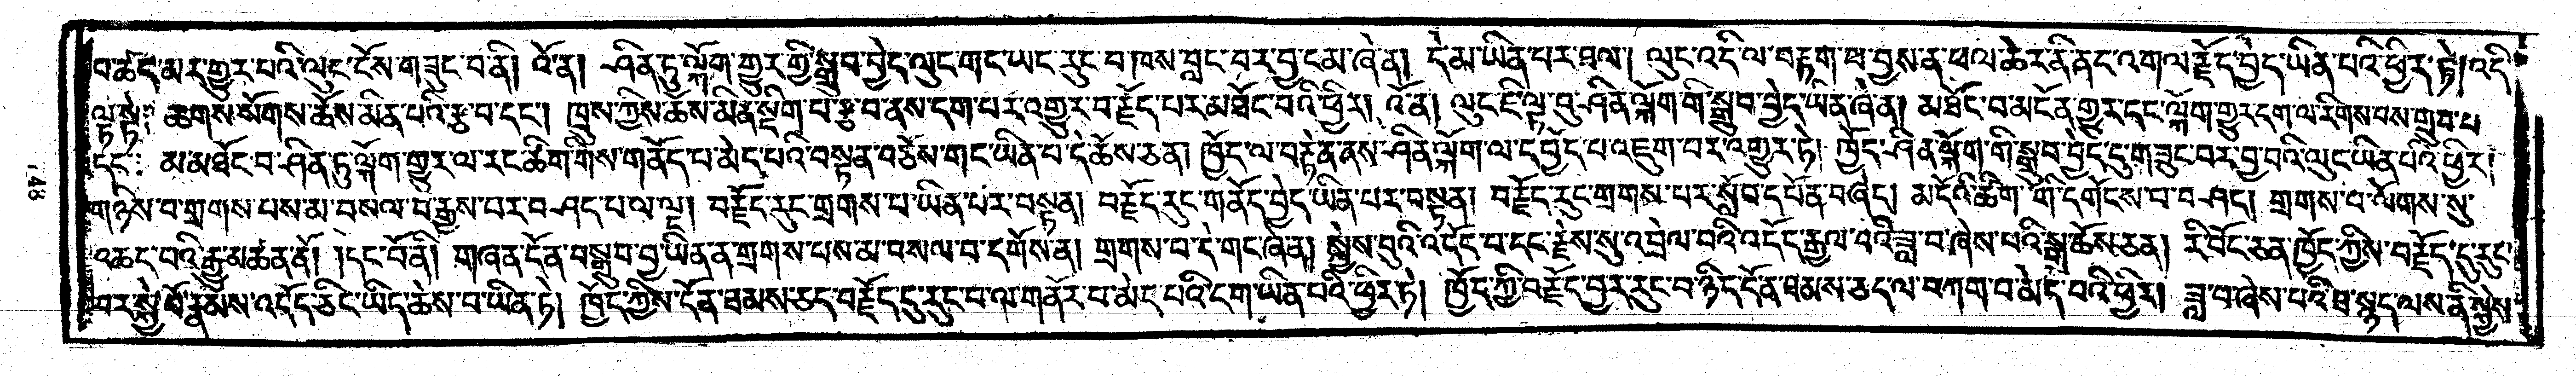བ་ཚད་མར་གྱུར་པའི་ལུང་ངོས་གཟུང་བ་ནི། འོ་ན། ཤིན་ཏུ་ལྐོག་གྱུར་གྱི་སྒྲུབ་བྱེད་ལུང་གང་ཡང་རུང་བ་ཁས་བླང་བར་བྱ་ངམ་ཞེ་ན། དེ་མ་ཡིན་པར་ཐལ། ལུང་འདི་ལ་བརྟག་ཕ་བྱས་ན་ཕལ་ཆེར་ནི་ནང་འགལ་རྗོད་བྱེད་ཡིན་པའི་ཕྱིར་ཏེ། འདི་
ལྟ་སྟེ། ཆགས་སོགས་ཆོས་མིན་པའི་རྩ་བ་དང་། ཁྲུས་ཀྱིས་ཆོས་མིན་སྡིག་པ་རྩ་བ་ནས་དག་པར་འགྱུར་བ་རྗོད་པར་མཐོང་བའི་ཕྱིར། འོ་ན། ལུང་ཇི་ལྟ་བུ་ཤིན་ལྐོག་གི་སྒྲུབ་བྱེད་ཡིན་ཞེ་ན། མཐོང་བ་མངོན་གྱུར་དང་ལྐོག་གྱུར་དག་ལ་རིགས་བས་གྲུབ་པ་
དང༑ མ་མཐོང་བ་ཤིན་ཏུ་ལྐོག་གྱུར་ལ་རང་ཚིག་གིས་གནོད་པ་མེད་པའི་བསྟན་བཅོས་གང་ཡིན་པ་དེ་ཆོས་ཅན། ཁྱོད་ལ་བརྟེན་ནས་ཤིན་ལྐོག་ལ་དབྱོད་པ་འཇུག་པར་འགྱུར་ཏེ། ཁྱོད་ཤིན་ལྐོག་གི་སྒྲུབ་བྱེད་དུ་གཟུང་བར་བྱ་བའི་ལུང་ཡིན་པའི་ཕྱིར།
གཉིས་བ་གྲགས་པས་མ་བསལ་བ་རྒྱས་པར་བཤད་པ་ལ་ལྔ། བརྗོད་རུང་གྲགས་པ་ཡིན་པར་བསྟན། བརྗོད་རུང་གནོད་བྱེད་ཡིན་པར་བསྟན། བརྗོད་རུང་གྲགས་པར་སློབ་དཔོན་བཞེད། མདོའི་ཚིག་གི་དགོངས་བ་བཤད། གྲགས་པ་ལོགས་སུ་
འཆད་པའི་རྒྱུ་མཚན་ནོ། །དང་པོ་ནི། གཞན་དོན་བསྒྲུབ་བྱ་ཡིན་ན་གྲགས་པས་མ་བསལ་བ་དགོས་ན། གྲགས་པ་དེ་གང་ཞེ་ན། སྐྱེས་བུའི་འདོད་པ་དང་རྗེས་སུ་འབྲེལ་བའི་འདོད་རྒྱལ་བའི་ཟླ་བ་ཞེས་པའི་སྒྲ་ཆོས་ཅན། རི་བོང་ཅན་ཁྱོད་ཀྱིས་བརྗོད་དུ་རུང་
བར་སྐྱེ་བོ་རྣམས་འདོད་ཅིང་ཡིད་ཆེས་བ་ཡིན་ཏེ། ཁྱོད་ཀྱིས་དོན་ཐམས་ཅད་བརྗོད་དུ་རུང་བ་ལ་གནོར་བ་མེད་པའི་དག་ཡིན་པའི་ཕྱིར་ཏེ། ཁྱོད་ཀྱི་བརྗོད་བྱར་རུང་བ་ཉིད་དོན་ཐམས་ཅད་ལ་བཀག་བ་མེད་པའི་ཕྱིར། ཟླ་བ་ཞེས་པའི་ཐ་སྙད་ལས་ནི་སྐྱེས་